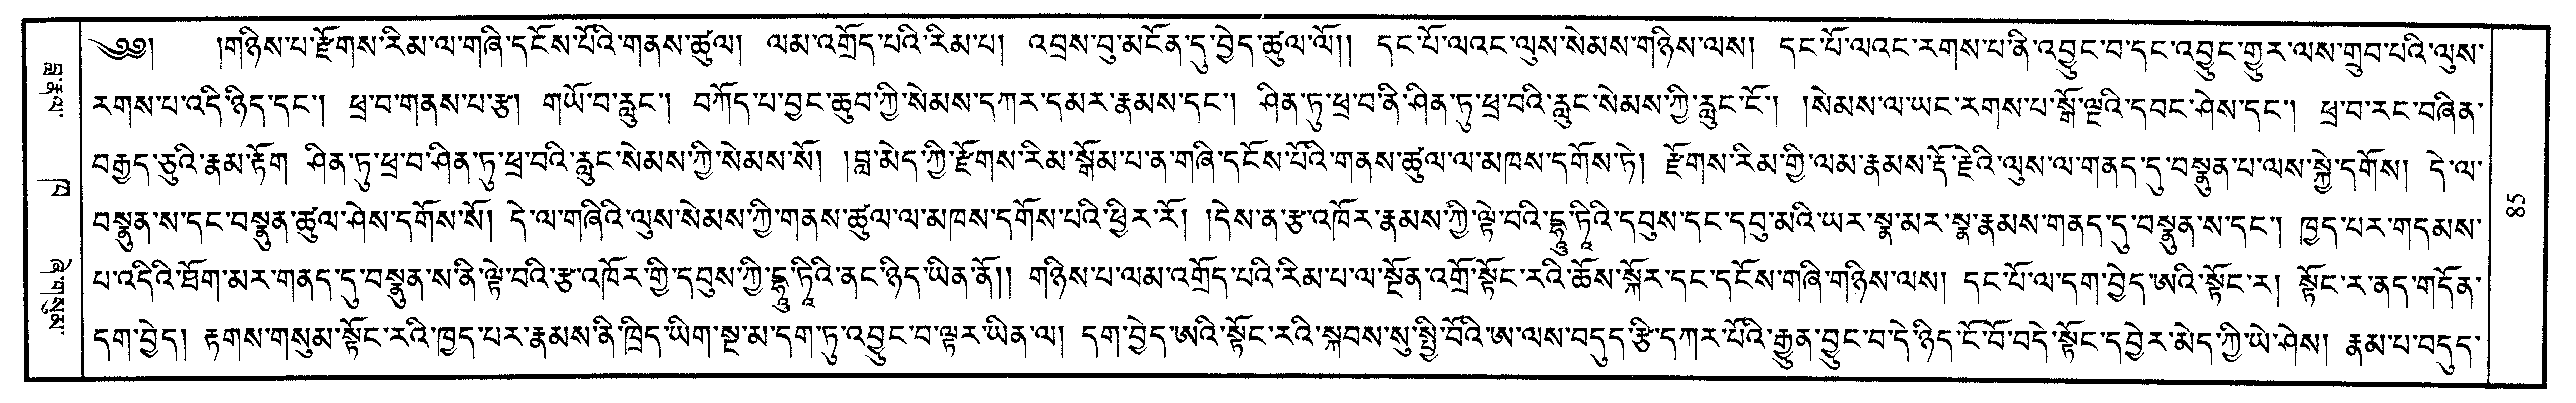༄༅། །གཉིས་པ་རྫོགས་རིམ་ལ་གཞི་དངོས་པོའི་གནས་ཚུལ། ལམ་འགྲོད་པའི་རིམ་པ། འབྲས་བུ་མངོན་དུ་བྱེད་ཚུལ་ལོ།། དང་པོ་ལའང་ལུས་སེམས་གཉིས་ལས། དང་པོ་ལའང་རགས་པ་ནི་འབྱུང་བ་དང་འབྱུང་གྱུར་ལས་གྲུབ་པའི་ལུས་
རགས་པ་འདི་ཉིད་དང་། ཕྲ་བ་གནས་པ་རྩ། གཡོ་བ་རླུང་། །བཀོད་པ་བྱང་ཆུབ་ཀྱི་སེམས་དཀར་དམར་རྣམས་དང་། ཤིན་ཏུ་ཕྲ་བ་ནི་ཤིན་ཏུ་ཕྲ་བའི་རླུང་སེམས་ཀྱི་རླུང་ངོ། །སེམས་ལ་ཡང་རགས་པ་སྒོ་ལྔའི་དབང་ཤེས་དང་། ཕྲ་བ་རང་བཞིན་
བརྒྱད་ཅུའི་རྣམ་རྟོག །ཤིན་ཏུ་ཕྲ་བ་ཤིན་ཏུ་ཕྲ་བའི་རླུང་སེམས་ཀྱི་སེམས་སོ། །བླ་མེད་ཀྱི་རྫོགས་རིམ་སྒོམ་པ་ན་གཞི་དངོས་པོའི་གནས་ཚུལ་ལ་མཁས་དགོས་ཏེ། རྫོགས་རིམ་གྱི་ལམ་རྣམས་རྡོ་རྗེའི་ལུས་ལ་གནད་དུ་བསྣུན་པ་ལས་སྐྱེ་དགོས། དེ་ལ་
བསྣུན་ས་དང་བསྣུན་ཚུལ་ཤེས་དགོས་སོ། དེ་ལ་གཞིའི་ལུས་སེམས་ཀྱི་གནས་ཚུལ་ལ་མཁས་དགོས་པའི་ཕྱིར་རོ། །དེས་ན་རྩ་འཁོར་རྣམས་ཀྱི་ལྟེ་བའི་དྷཱུ་ཏཱིའི་དབུས་དང་དབུ་མའི་ཡར་སྣ་མར་སྣ་རྣམས་གནད་དུ་བསྣུན་ས་དང་། ཁྱད་པར་གདམས་
པ་འདིའི་ཐོག་མར་གནད་དུ་བསྣུན་ས་ནི་ལྟེ་བའི་རྩ་འཁོར་གྱི་དབུས་ཀྱི་དྷཱུ་ཏཱིའི་ནང་ཉིད་ཡིན་ནོ།། གཉིས་པ་ལམ་འགྲོད་པའི་རིམ་པ་ལ་སྔོན་འགྲོ་སྟོང་རའི་ཆོས་སྐོར་དང་དངོས་གཞི་གཉིས་ལས། དང་པོ་ལ་དག་བྱེད་ཨཱི་སྟོང་ར། སྟོང་ར་ནད་གདོན་
དག་བྱེད། རྟགས་གསུམ་སྟོང་རའི་ཁྱད་པར་རྣམས་ནི་ཁྲིད་ཡིག་སྔ་མ་དག་ཏུ་འབྱུང་བ་ལྟར་ཡིན་ལ། དག་བྱེད་ཨཱི་སྟོང་རའི་སྐབས་སུ་སྤྱི་བོའི་ཨ་ལས་བདུད་རྩི་དཀར་པོའི་རྒྱུན་བྱུང་བ་དེ་ཉིད་ངོ་བོ་བདེ་སྟོང་དབྱེར་མེད་ཀྱི་ཡེ་ཤེས། རྣམ་པ་བདུད་